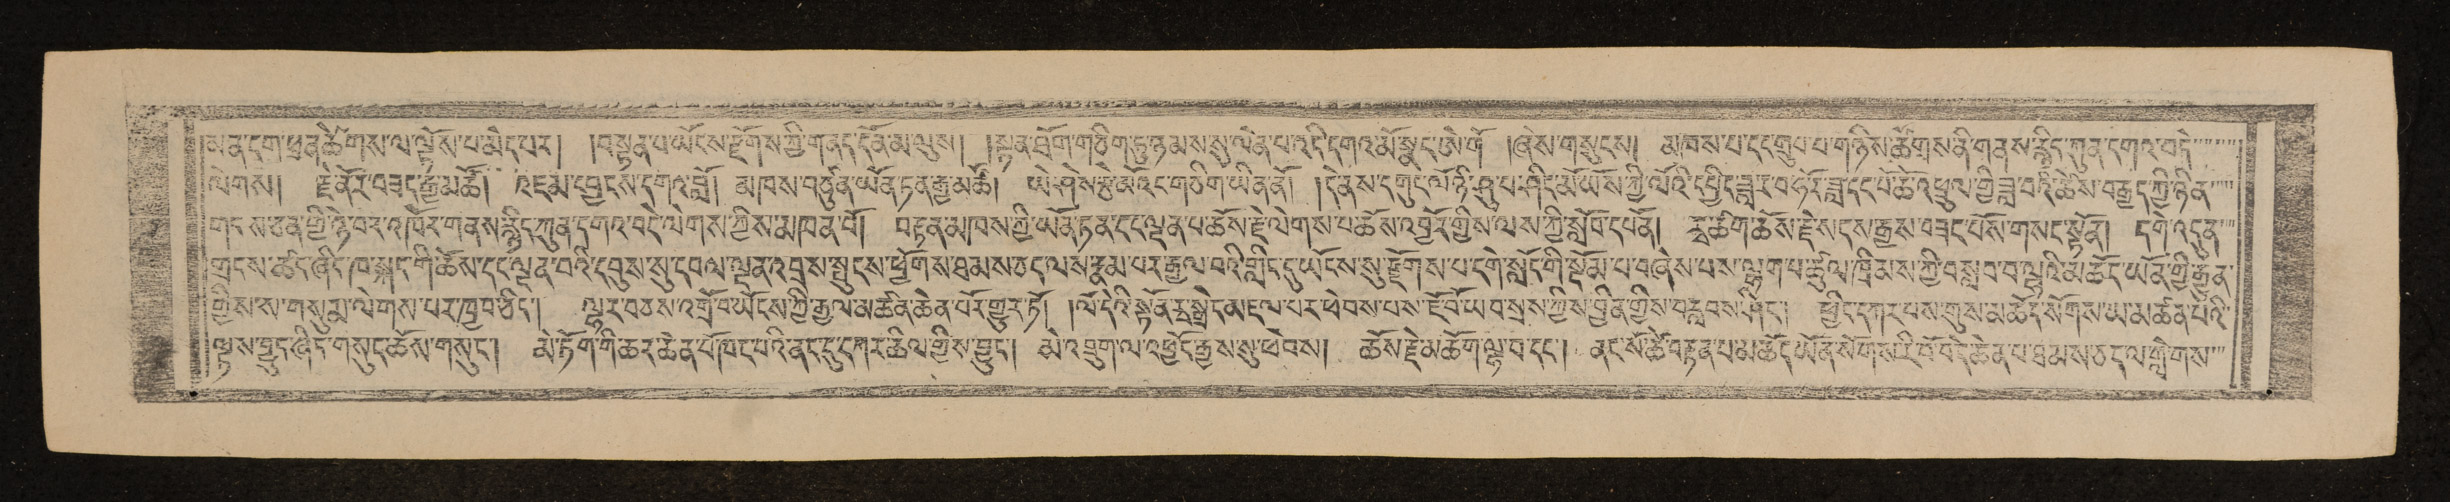མན་ངག་ཕྲན་ཚེགས་ལ་ལྟོས་པ་མེད་པར། །བསྟན་པ་ཡོངས་རྫོགས་ཀྱི་གནད་དོན་མ་ལུས། །སྟན་ཐོག་གཅིག་ཏུ་ཉམས་སུ་ལེན་པ་འདི་དགའ་མོ་སྣང་ཨེ་གོ །ཞེས་གསུངས། མཁས་པ་དང་གྲུབ་པ་གཉིས་ཚོགས་ནི་གནས་རྙིང་ཀུན་དགའ་བདེ་
ལེགས། རྗེ་ནོར་བཟང་རྒྱ་མཚོ། འཇམ་དབྱངས་དགའ་བློ། མཁས་བཙུན་ཡོན་ཏན་རྒྱ་མཚོ། ཡེ་ཤེས་རྩེ་མོའང་གཅིག་ཡིན་ནོ། །དེ་ནས་དགུང་ལོ་ཉི་ཤུ་པ་ཤིང་མོ་ཡོས་ཀྱི་ལོའི་དཔྱིད་ཟླ་ར་བ་ཧོར་ཟླ་དང་པོ་ཆོ་འཕྲུལ་གྱི་ཟླ་བའི་ཚེས་བརྒྱད་ཀྱི་ཉིན་
གངས་ཅན་གྱི་ཉེ་བར་འཁོར་གནས་རྙིང་ཀུན་དགའ་བདེ་ལེགས་ཀྱིས་མཁན་པོ། བརྟན་མཁས་ཀྱི་ཡོན་ཏན་དང་ལྡན་པ་ཆོས་རྗེ་ལེགས་པ་ཆོས་འབྱོར་གྱིས་ལས་ཀྱི་སློང་དཔོན། རྭ་ཚག་ཆོས་རྗེ་སངས་རྒྱས་བཟང་པོས་གསང་སྟོན། དགེ་འདུན་
གྲངས་ཚང་ཞིང་ཁ་སྐོང་གི་ཆོས་དང་ལྡན་པའི་དབུས་སུ་དཔལ་ལྡན་འབྲས་སྤུངས་ཕྱོགས་ཐམས་ཅད་ལས་རྣམ་པར་རྒྱལ་བའི་གླིང་དུ་ཡོངས་སུ་རྫོགས་པ་དགེ་སློང་གི་སྡོམ་པ་བཞེས་པས་ལྷག་པ་ཚུལ་ཁྲིམས་ཀྱི་བསླབ་པ་ལྷའི་མཆོད་ཡོན་གྱི་རྒྱུན་
གྱིས་ས་གསུམ་ལེགས་པར་ཁྱབ་ཅིང་། ལྷར་བཅས་འགྲོ་བ་ཡོངས་ཀྱི་རྒྱལ་མཚན་ཆེན་པོར་གྱུར་ཏོ། །ལོ་དེའི་སྟོན་རྭ་སྒྲེང་མཇལ་པར་ཕེབས་པས་ཇོ་བོ་ཡབ་སྲས་ཀྱིས་བྱིན་གྱིས་བརླབས་ཤིང་། ཕྱིང་དཀར་བས་གུས་མཆོད་སོགས་ཡ་མཚན་པའི་
ལྟས་བྱུང་ཞིང་གསུང་ཆོས་གསུང་། མེ་ཏོག་གི་ཆར་ཆེན་པོ་ཁང་པའི་ནང་དུ་དཀར་ཆིལ་གྱིས་བྱུང་། མེ་འབྲུག་ལ་འཕྱོང་རྒྱས་སུ་ཕེབས། ཆོས་རྗེ་མཆོག་ལྷ་བ་དང་། ནང་སོ་ཚེ་བརྟན་པ་མཆོད་ཡོན་སོགས་རི་བོ་བདེ་ཆེན་པ་ཐམས་ཅད་ལ་གླེགས་